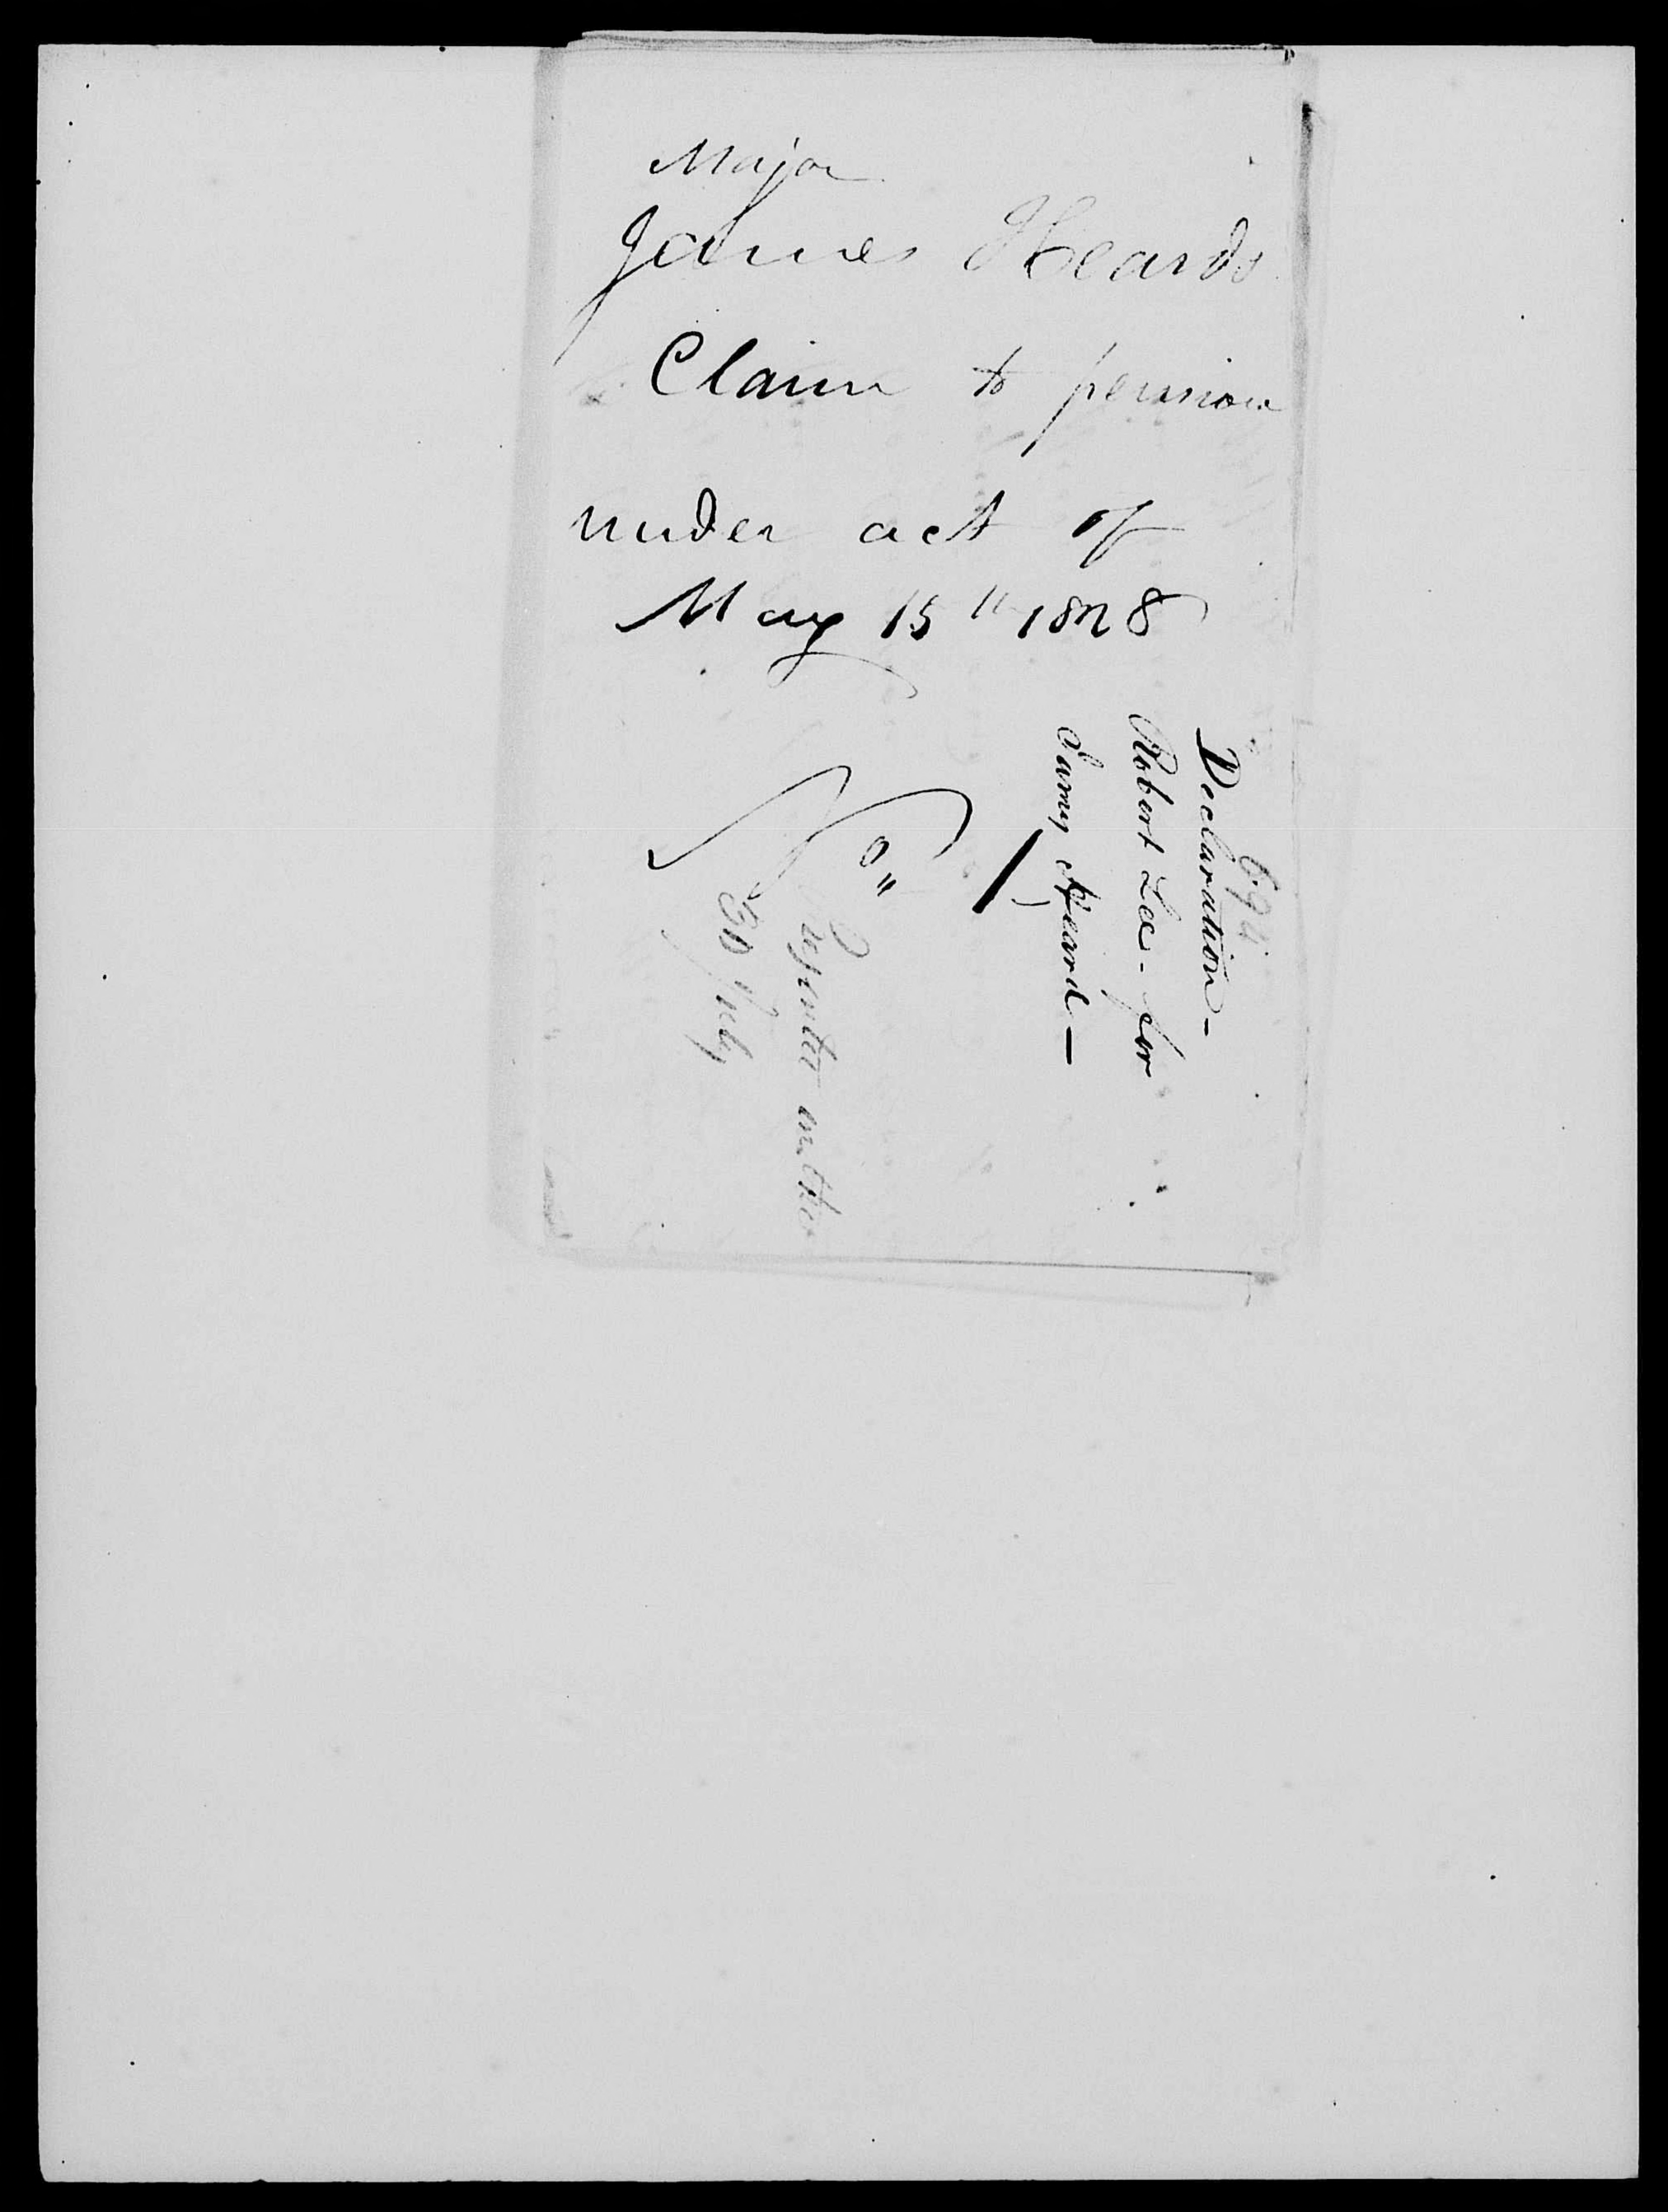Major James Heard
Claim to Pension under Act of May 15th 1828

Declaration
Robert Lee for 
James Heard

Rejected on the 30 July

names: James Heard, James Heard, Robert Lee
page: 19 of 62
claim: survivor's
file: S. 540, James Heard, Continental - New Jersey Residence In 1818